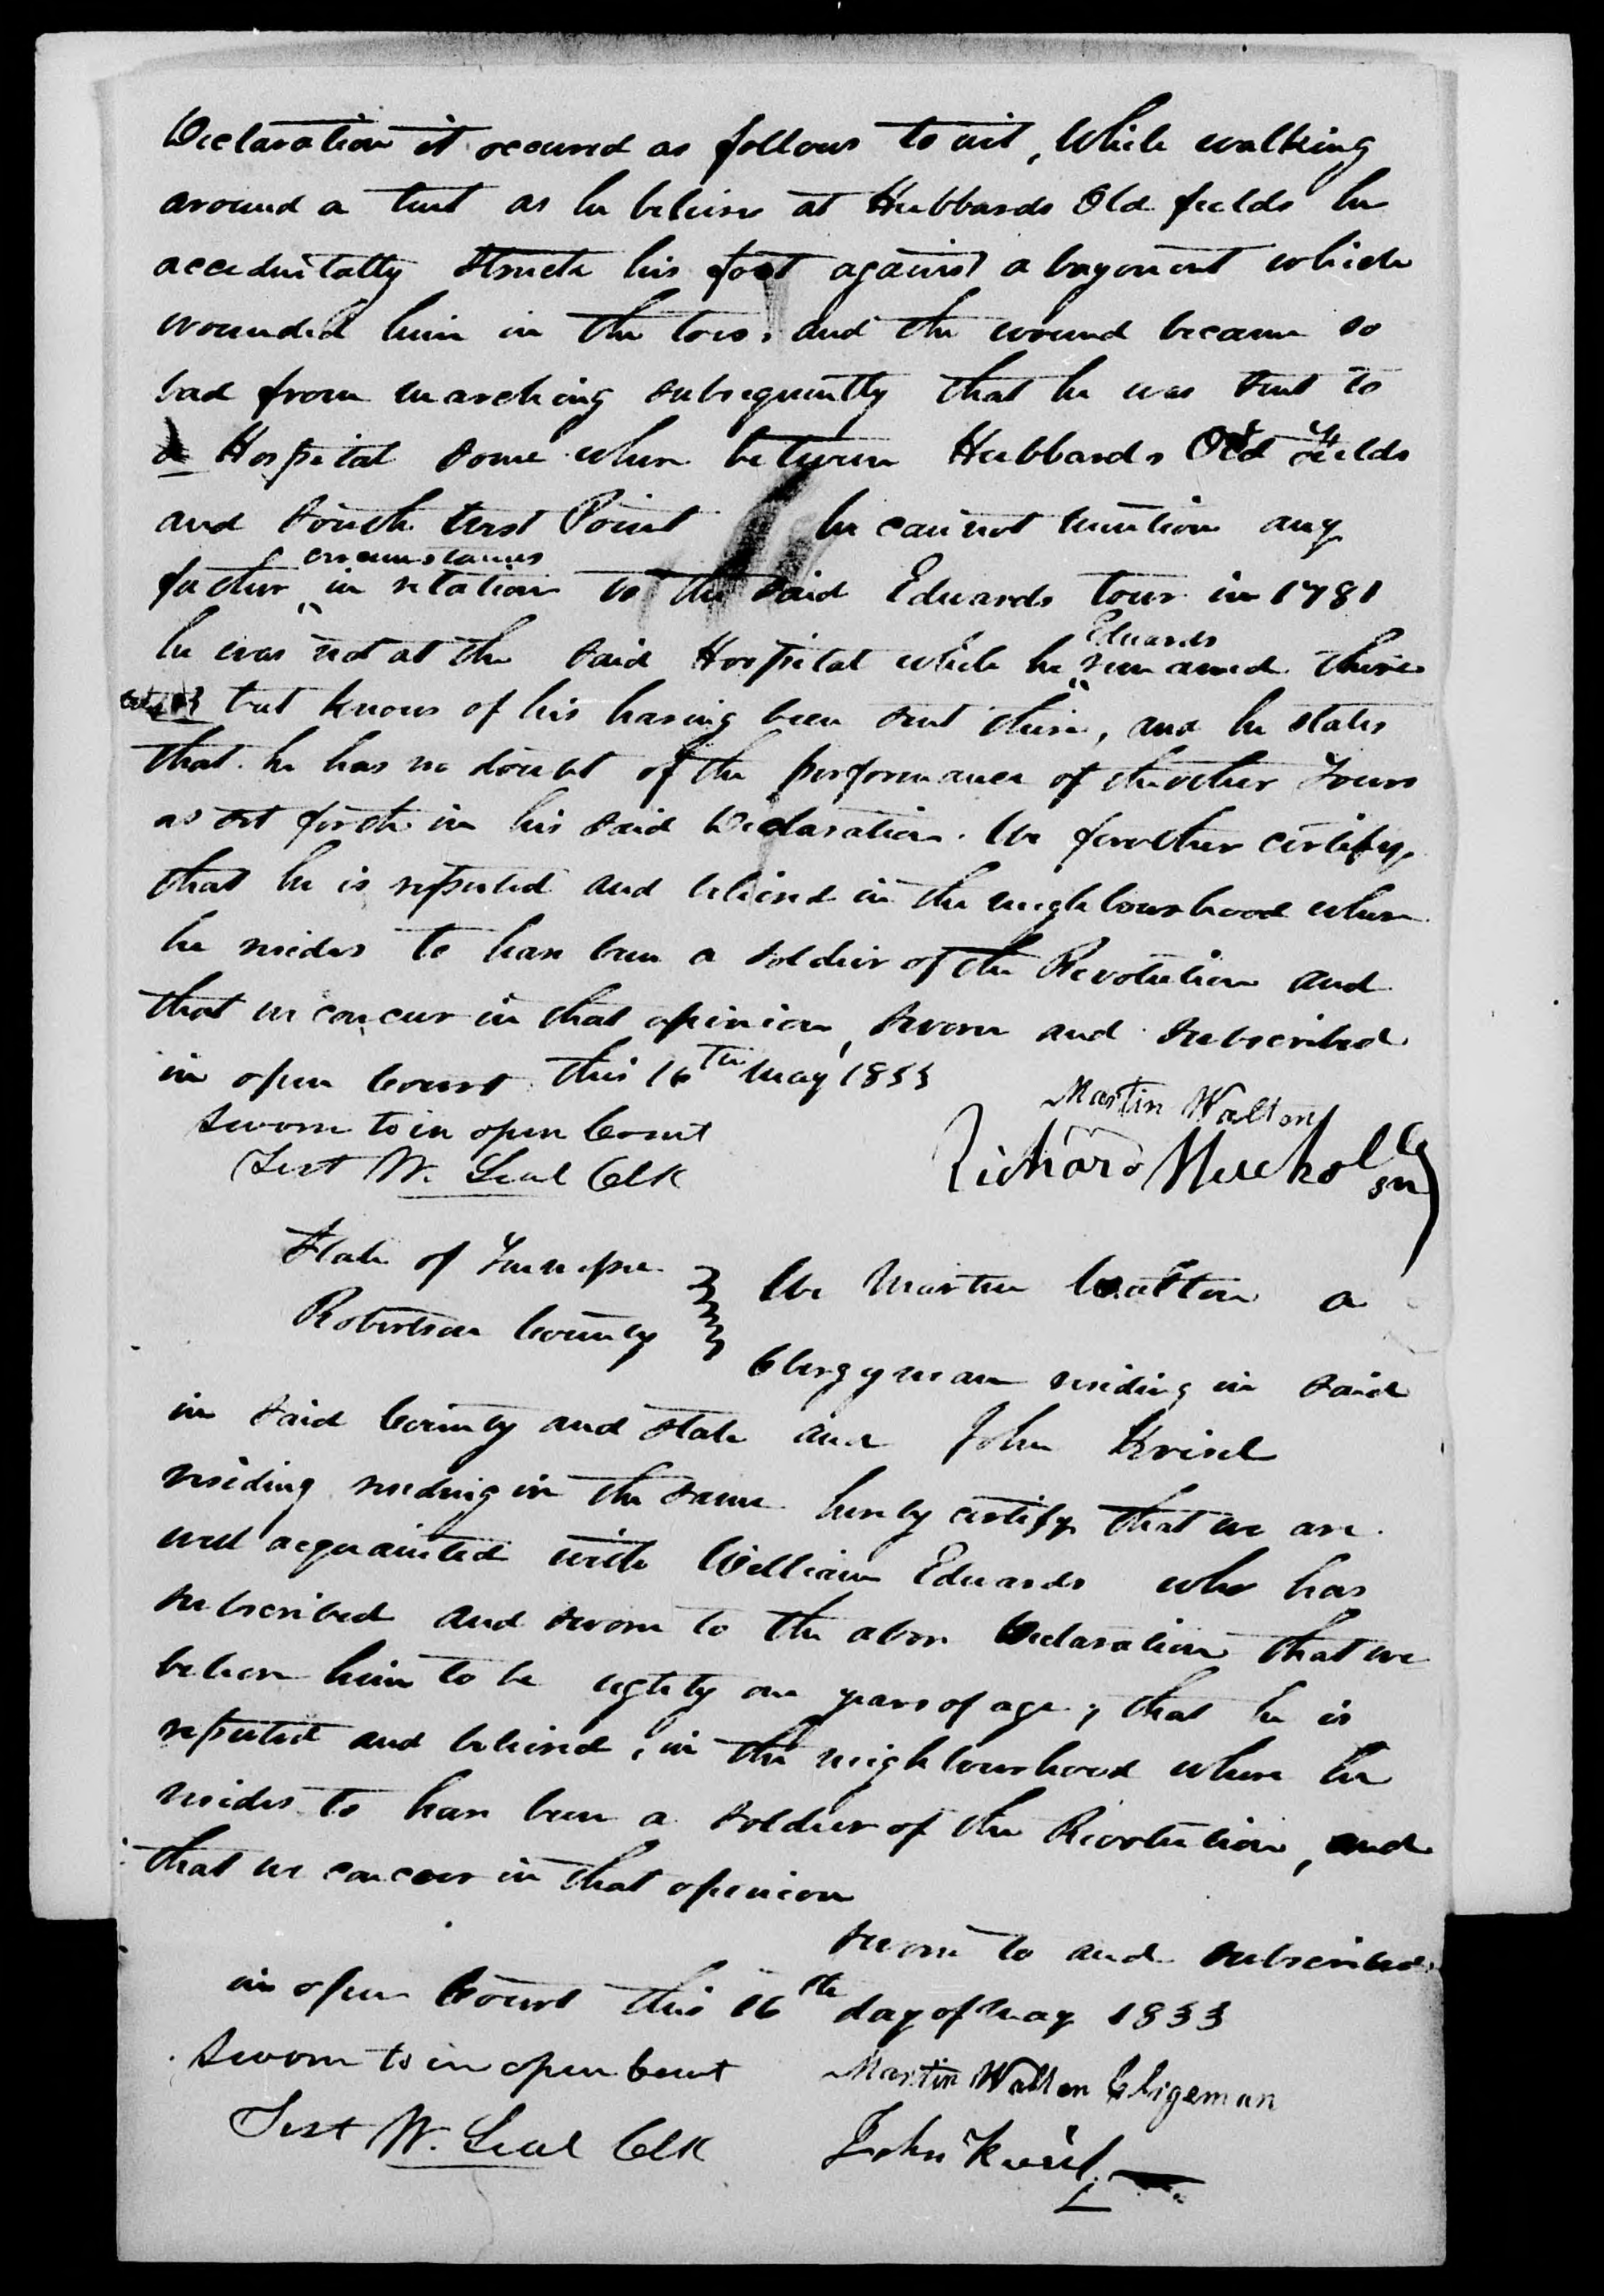Declaration it occurred as follows to wit, While walking around a tent as he believes at Hubbards Old fields he accidentally struck his foot against a bayonet which wounded him in the toes, and the wound became so bad from marching subsequently that he was sent to a Hospital some where between Hubbards Old Fields and South West Point he cannot mention any further circumstances in relation to the said Edwards tour in 1781 he was not at the said Hospital which he Edwards remained there but knows of his having been sent there, and he states that he has no doubt of the performance of the other Tours as set forth in his said Declaration. We further certify that he is reputed and believed in the neighbourhood where he resides to have been a soldier of the Revolution and that we concur in that opinion, Sworn and Subscribed in open Court this 16th May 1833
Martin Walton
Richard Nuckolls sn
Sworn to in open Court
Teste W. Seal Clk

State of Tennessee} We Martin Walton a
Robertson County} Clergyman residing in said in said County and State and John Krisel residing in the same hereby certify that we are well acquainted with William Edwards who has subscribed and sworn to the above Declaration that we believe him to be eighty one years of age, that he is reputed and believed, in the neighbourhood where he resides to have been a soldier of the Revolution, and that we concur in that opinion
Sworn to and subscribed in open Court this 16th day of May 1833
Martin Walton Clergyman
John Krisel
Sworn to in open Court
Test W. Seal Clk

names: Martin Walton, John Krisel, W Leal, Edwards, William Edwards, Martin Walton, Martin Walton, John Krisel, Richard Nucholls, W Leal, Edwards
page: 7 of 47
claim: survivor's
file: S. 3,322, William Edwards, Va.